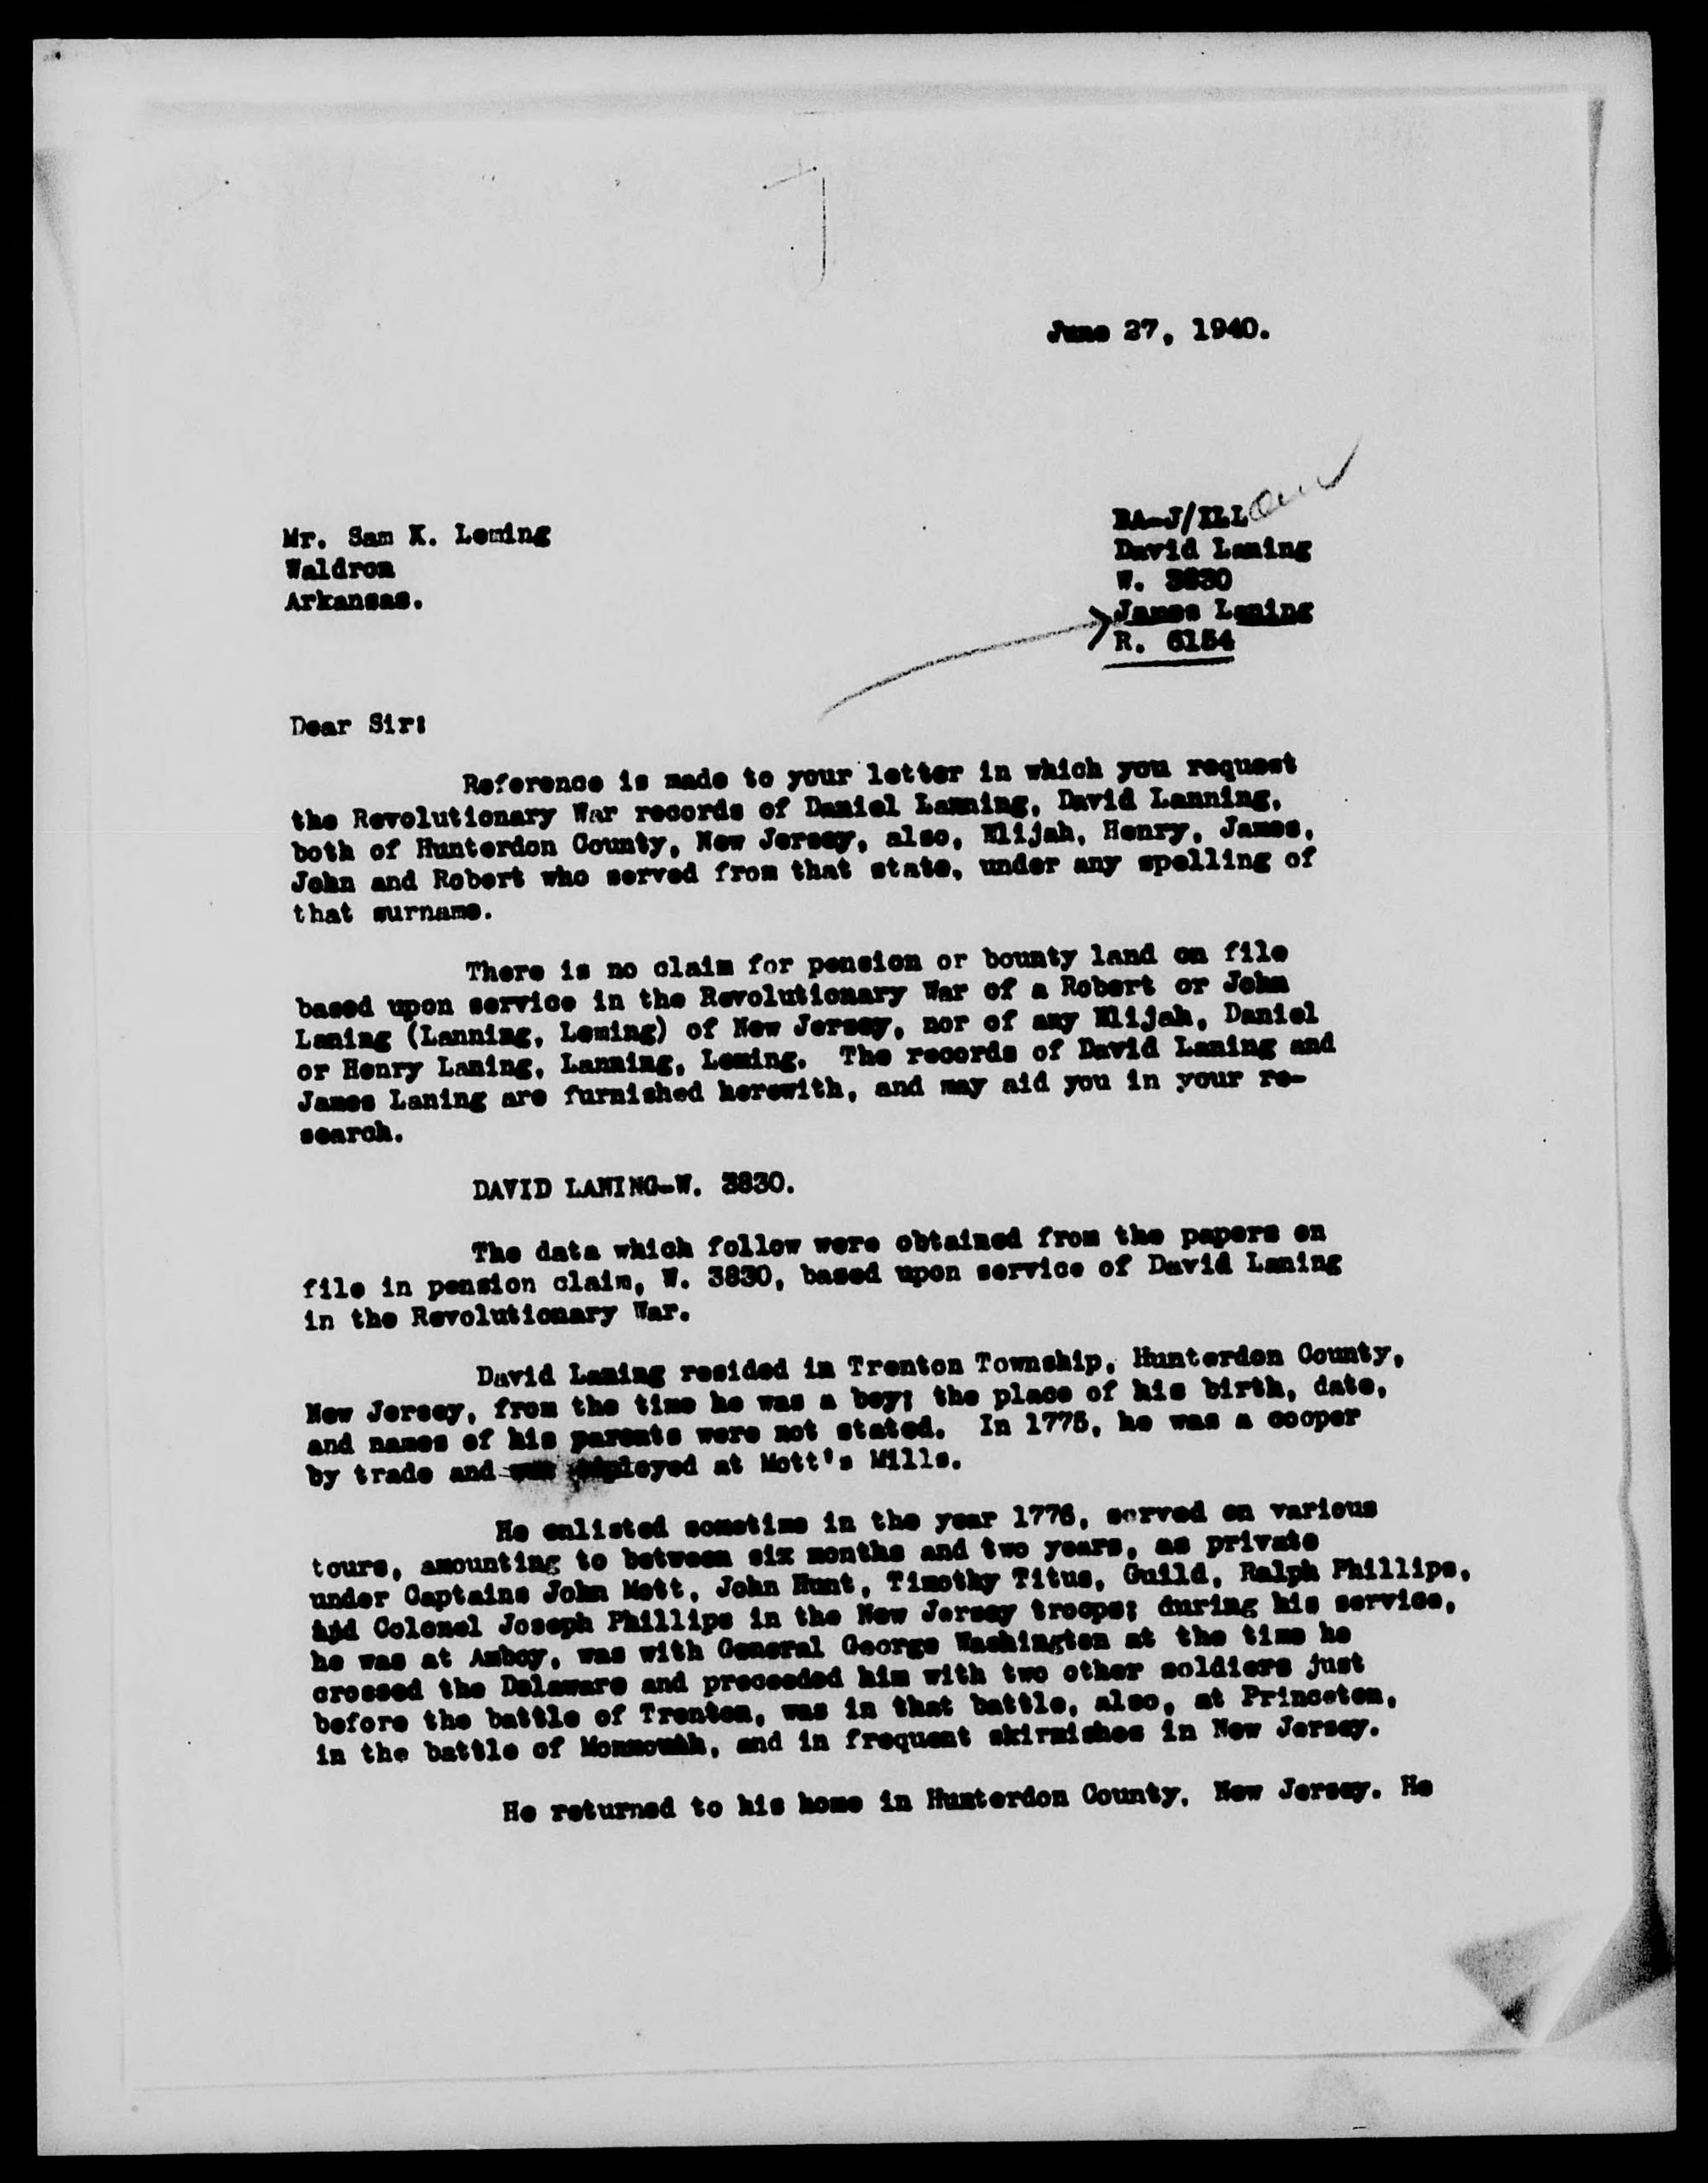June 27, 1940.

BA-J/ILL
David Laning
W.3830
James Laning
R. 6154

Mr. Sam K. Leming
Waldron
Arkansas.

Dear Sir:

Reference is made to your letter in which you request the Revolutionary War records of Daniel Lanning, David Lanning, both of Hunterdon County, New Jersey, also, Elijah, Henry, James, John and Robert who served from that state, under any spelling of
that surname.

There is no claim for pension or bounty land on file based upon service in the Revolutionary War of a Robert or John Laning (Lanning, Leming) of New Jersey, nor of any Elijah, Daniel
or Henry Laning, Lanning, Leming. The records of David Laning and James Laning are furnished herewith, and may aid you in your research.
.
DAVID LANING-W. 3830.

The data which follow were obtained from the papers on file in pension claim, W. 3830, based upon service of David Laning in the Revolutionary War.

David Laning resided in Trenton Township, Hunterdon County, New Jersey, from the time he was a boy; the place of his birth, date,
and names of his parents were not stated. In 1775, he was a cooper by trade and was employed at Mott's Mills.

He enlisted sometime in the year 1776, served on various tours, amounting to between six months and two years, as private under Captains John Mott, John Hunt, Timothy Titus, Guild, Ralph Phillips, Colonel Joseph Phillips in the New Jersey troops; during his service,
he was at Amboy, was with General George Washington at the time he crossed the Delaware and preceeded him with two other soldiers just before the battle of Trenton, was in that battle, also, at Princeton, in the battle of Monmouth, and in frequent skirmishes in New Jersey.

He returned to his home in Hunterdon County, New Jersey. He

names: Daniel Leming; Henry Laning; John Leming; Timothy Titus; Elijah Lanning; James Laning; Sam K Leming; Robert Leming; Henry [BLANK]; Elijah Leming; Daniel Laning; Joseph Phillips; David Lanning; Ralph Phillips; [BLANK] Guild; Robert Lanning; John Lanning; John Hunt; Henry Leming; John Mott; Robert Laning; John Laning; Elijah [BLANK]; Henry Lanning; James [BLANK]; David Laning; Elijah Laning; Daniel Lanning; George Washington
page: 10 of 39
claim: rejected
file: R. 6154, for James Laning, New Jersey